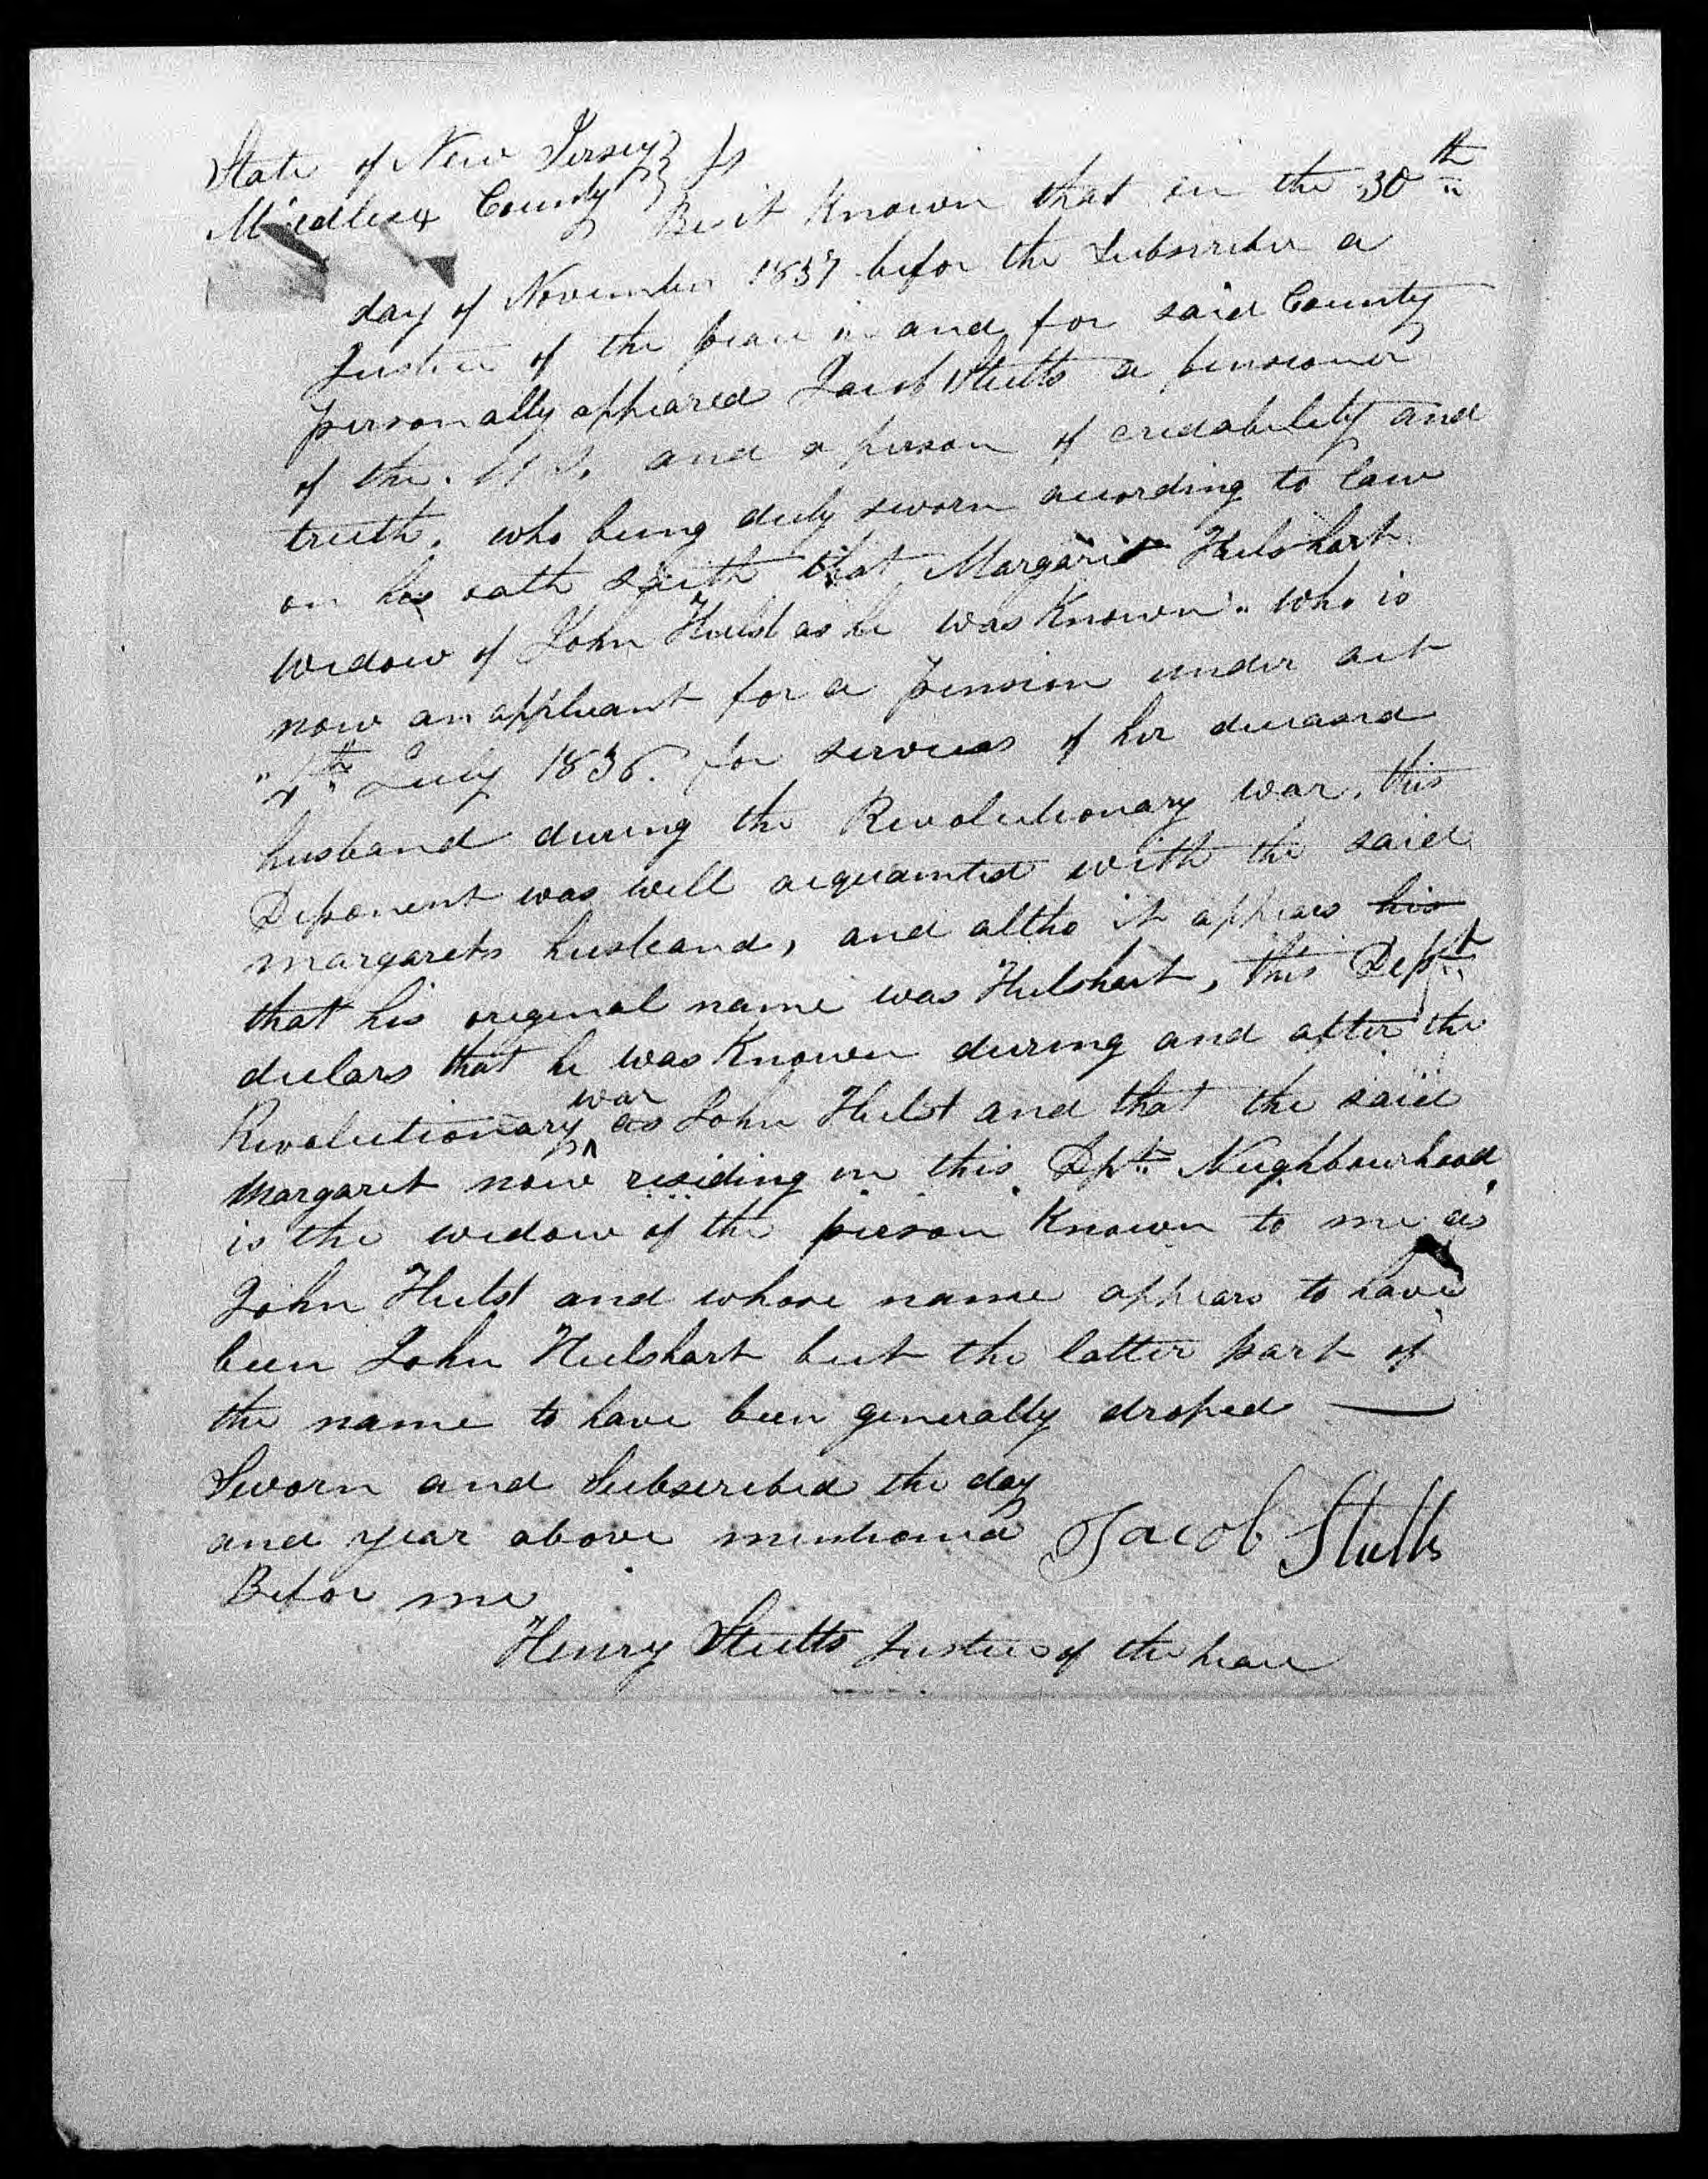State of New Jersey
Middlesex County. } SS
Be it known that in the 30th day of November 1837 before the Subscriber a Justice of the peace in and for said County personally appeared Jacob Stulls a pensioner of the U.S. and a person of credibility and truth, who being duly sworn according to law on his oath saith that Margarit Hulshart widow of John Hulst as he was known, who is now an applicant for a pension under act 4th July 1836 for services of her deceased husband during the Revolutionary war.  this Deponent was well acquainted with the said Margarets husband, and altho it appears that his original name was Hulshart, this Dept declares that he was known during and after the Revolutionary as John Hulst and that the said Margaret now residing in this Depts Neighbourhood is the widow of the person known to me as John Hulst and whose name appears to have been John Hulshart but the latter part of the name to have been generally dropped-
Jacob Stulls

Sworn and Subscribed the day
and year above mentioned Before me
Henry Stulls
Justice of the Peace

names: John Hulst, Jacob Stulls, Margaret Hulshart, Henry Stulls, John Hulshart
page: 17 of 34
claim: widow's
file: W. 940, John Hulshart, New Jersey